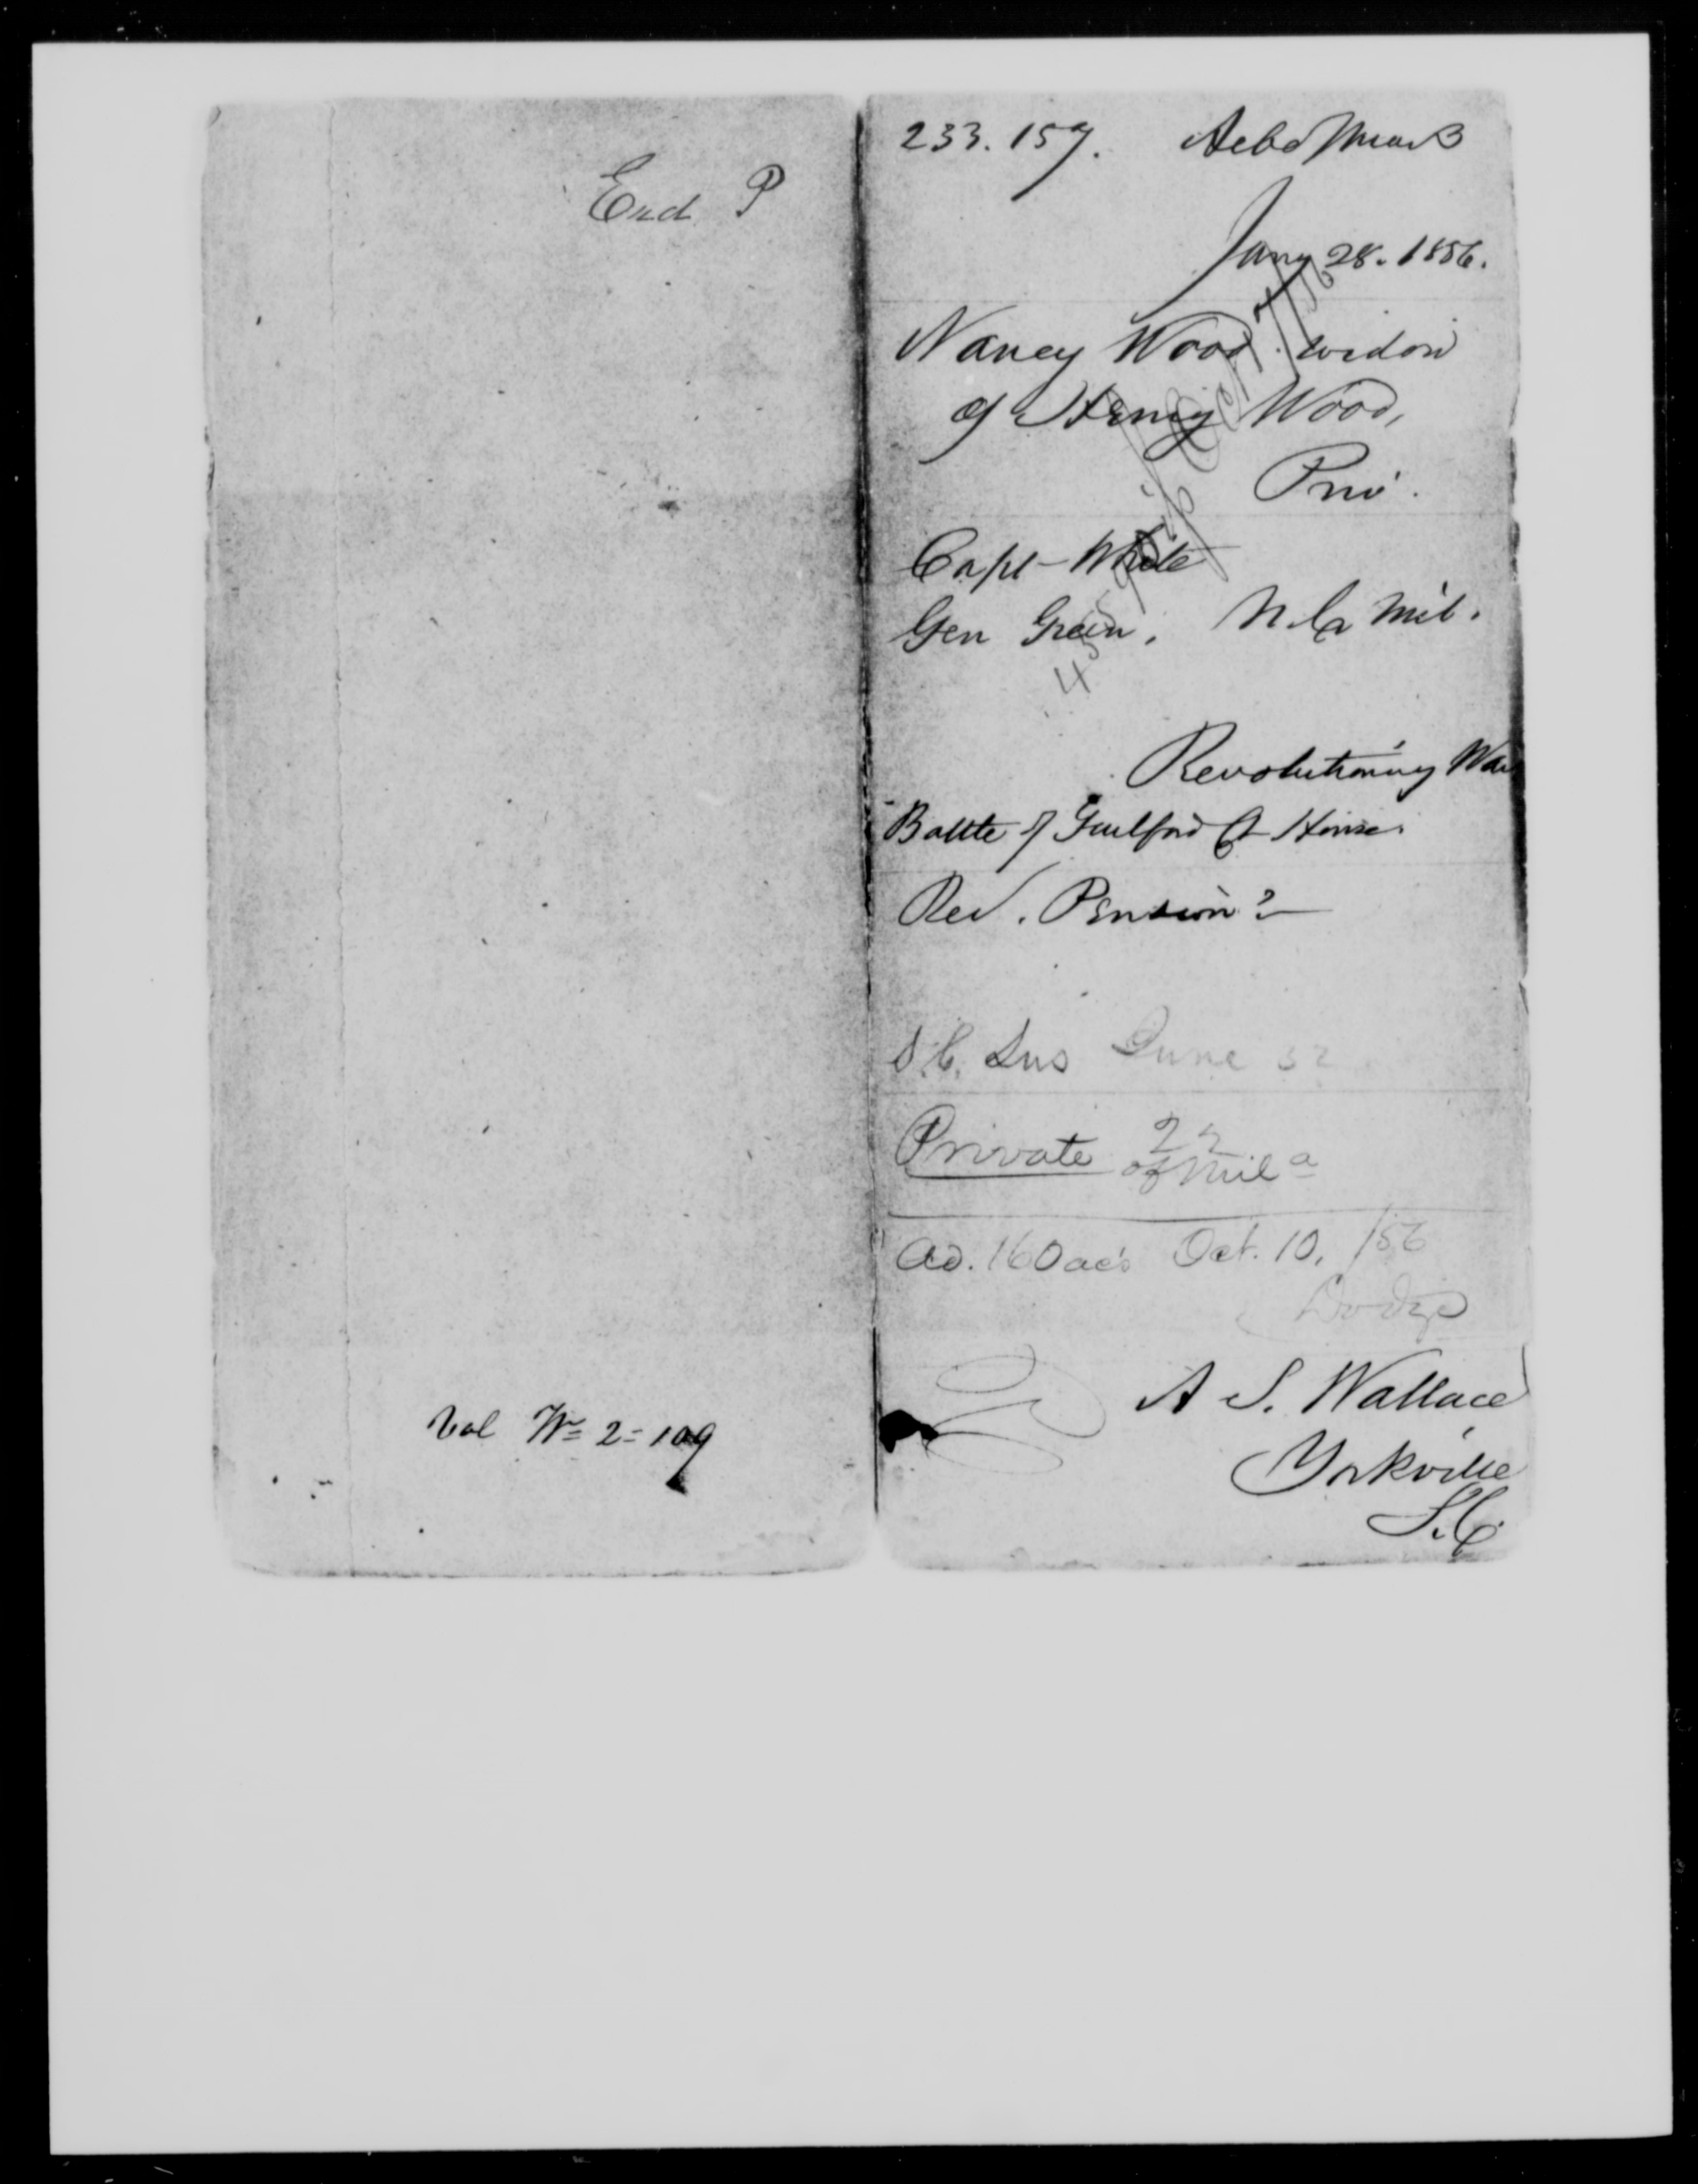End P   233.157.   [xxx]
Jan 28, 1856
Nancy Wood widow of Henry Wood, Pri
Capt White
Gen Green  [xx]
Revolutionary War Battle of Guildford Ct House
Dec Pensions
S.C. Ins June 32
Private 22 of mil
Ad. 160 ac's Oct 10,/56
Dodze
A.S. Wallace
Yorkville S.C.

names: White, Henry Wood, Nancy Wood, Green, A S Wallace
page: 2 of 40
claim: rejected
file: R. 11785, Henry Wood, N. C.